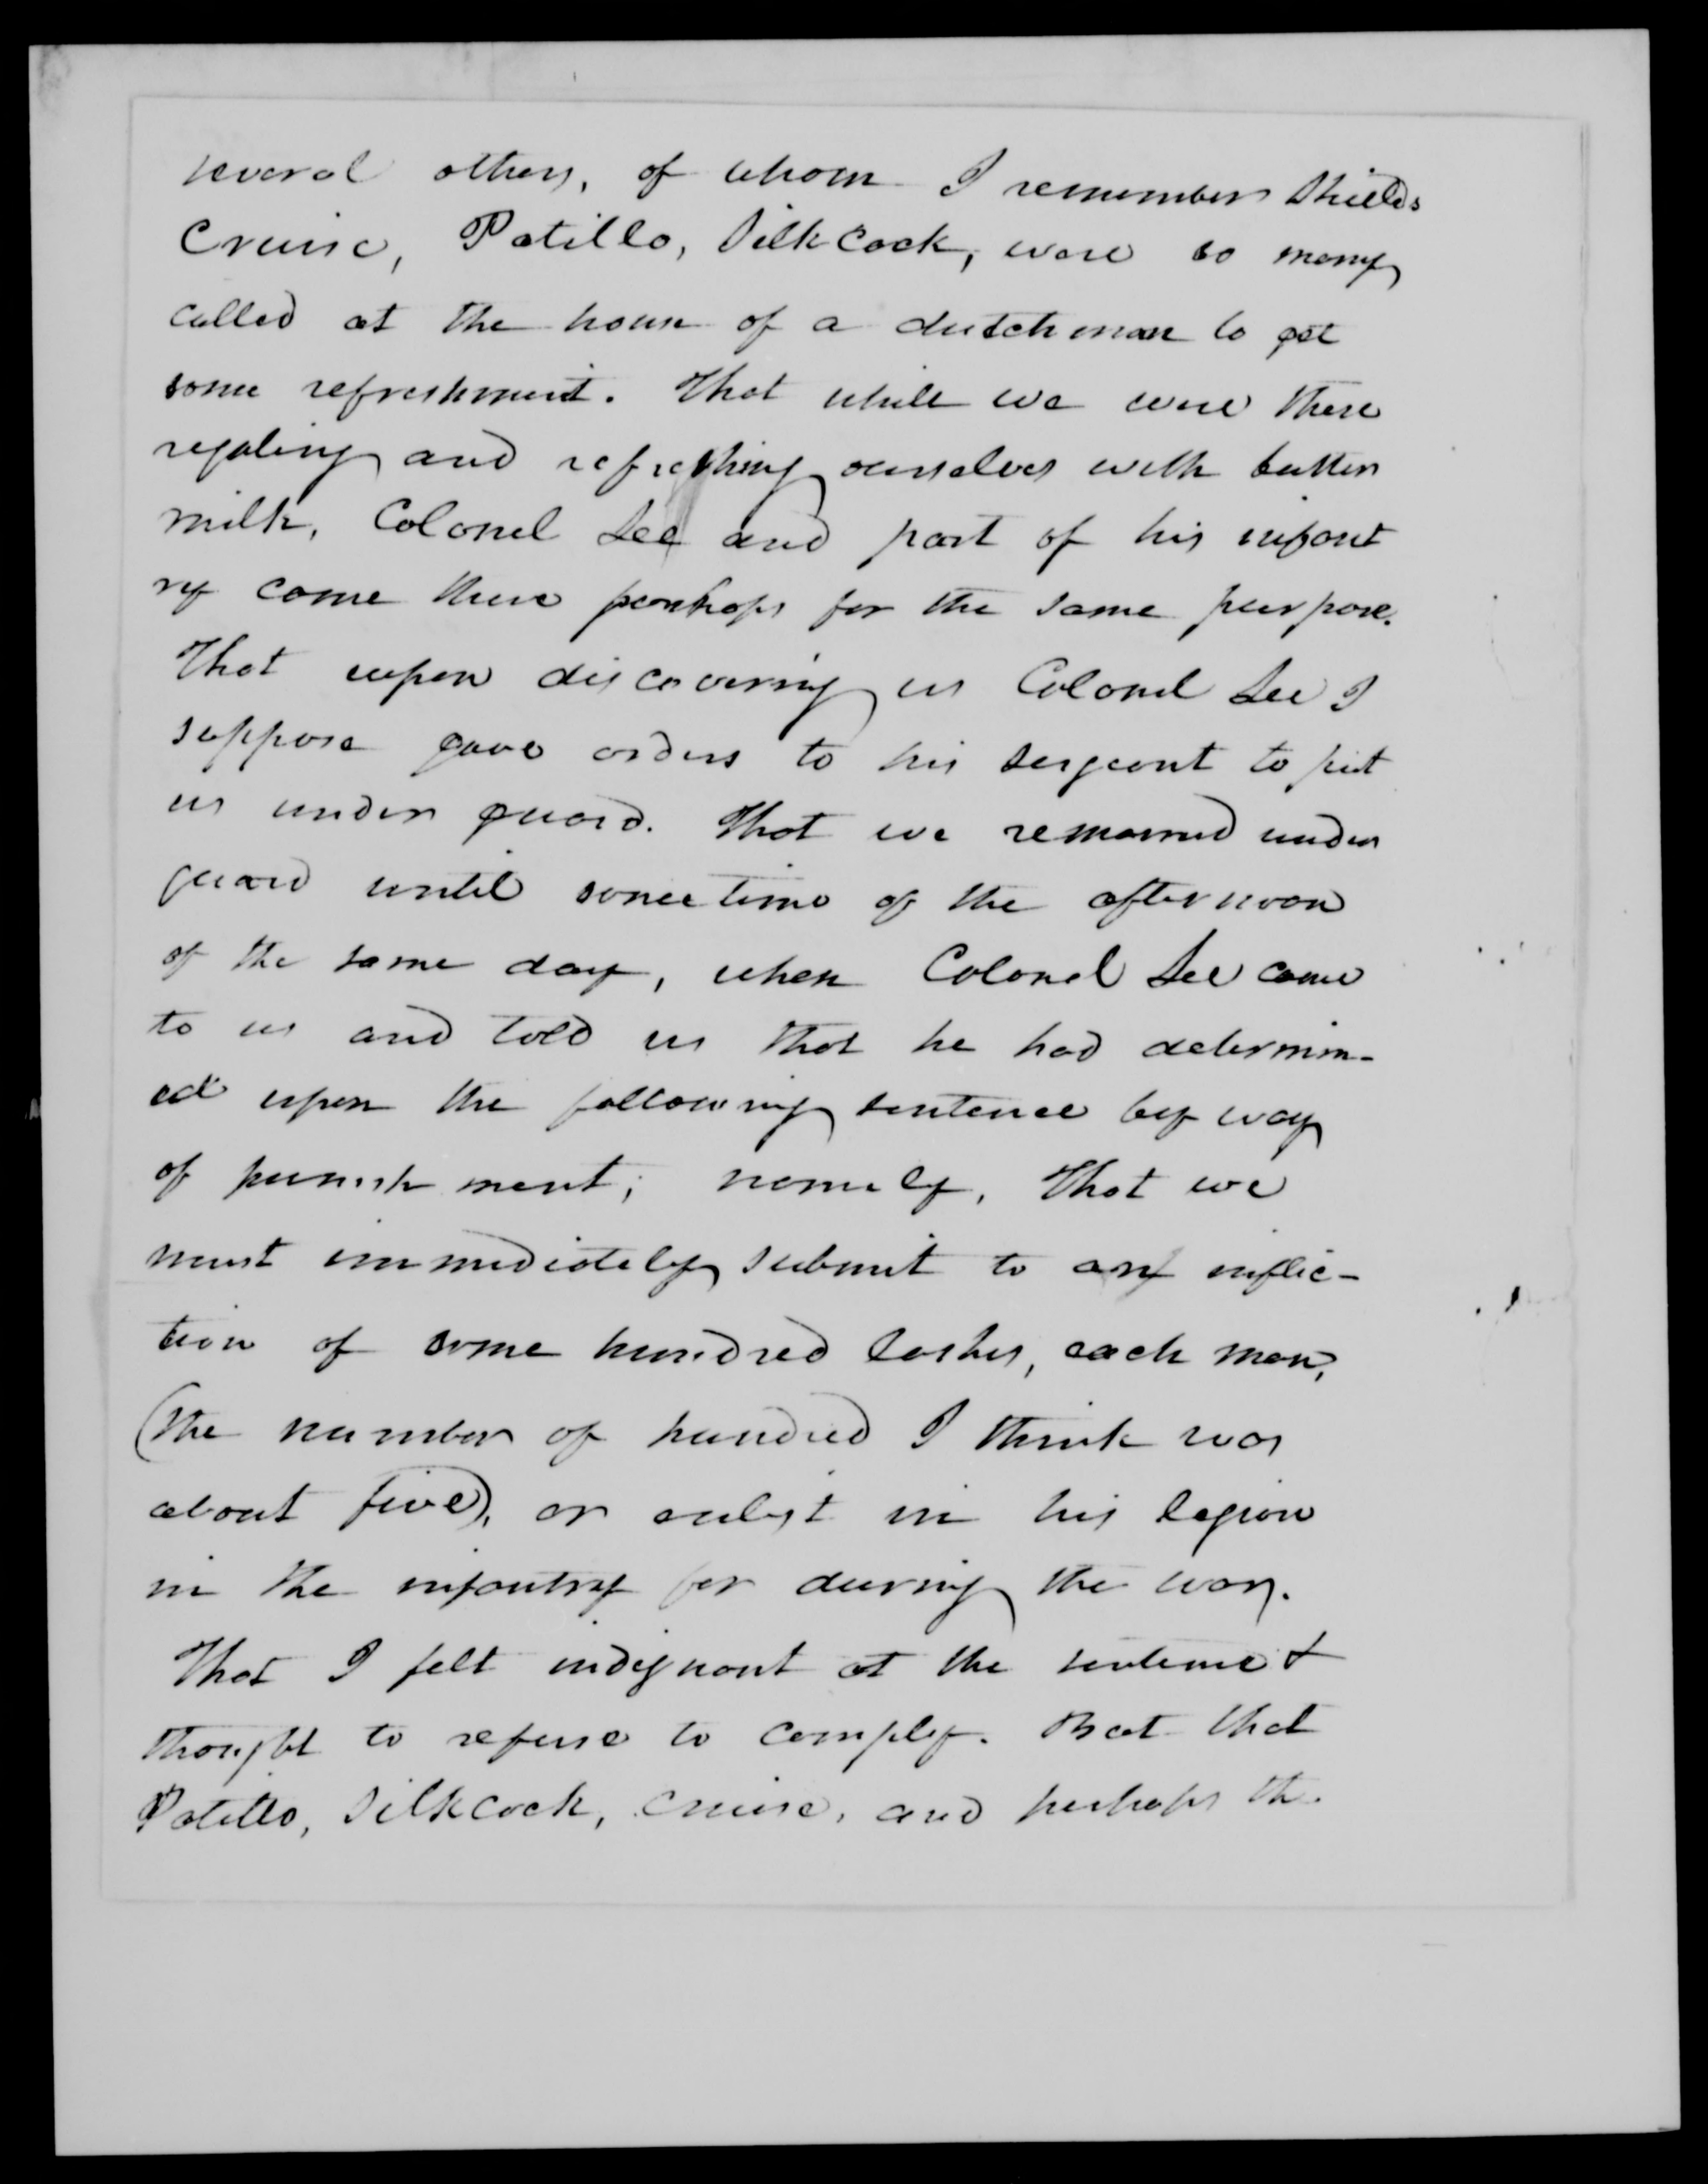several others, of whom I remember Shields Cruise, Patillo, Silkcock were so many called at the house of a dutchman to get some refreshment. That while we were there relying and refreshing ourselves with butter Milk, Colonel Lee and part of his infantry come there perhaps for the same purpose That upon discovering as Colonel Lee I suppose gave orders to his sergeant to put us under guard. That we remained under guard until sometime of the afternoon of the same day, when Colonel Lee came to us and told us that he had determined upon the following sentence by way of punishment, namely, That we must immediately submit to any infliction of some hundred lashes, each man (the number of hundred I think was about five) or enlist in his legion in the infantry for during the war. That I felt indignant at the sentence & thought to refuse to comply. But that Patillo, Silkcock, Cruise, and perhaps the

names: Lee, Crusie, Silkcock, Potillo, Shields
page: 4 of 32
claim: survivor's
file: S. 16020, Thomas Whitlock, Va.